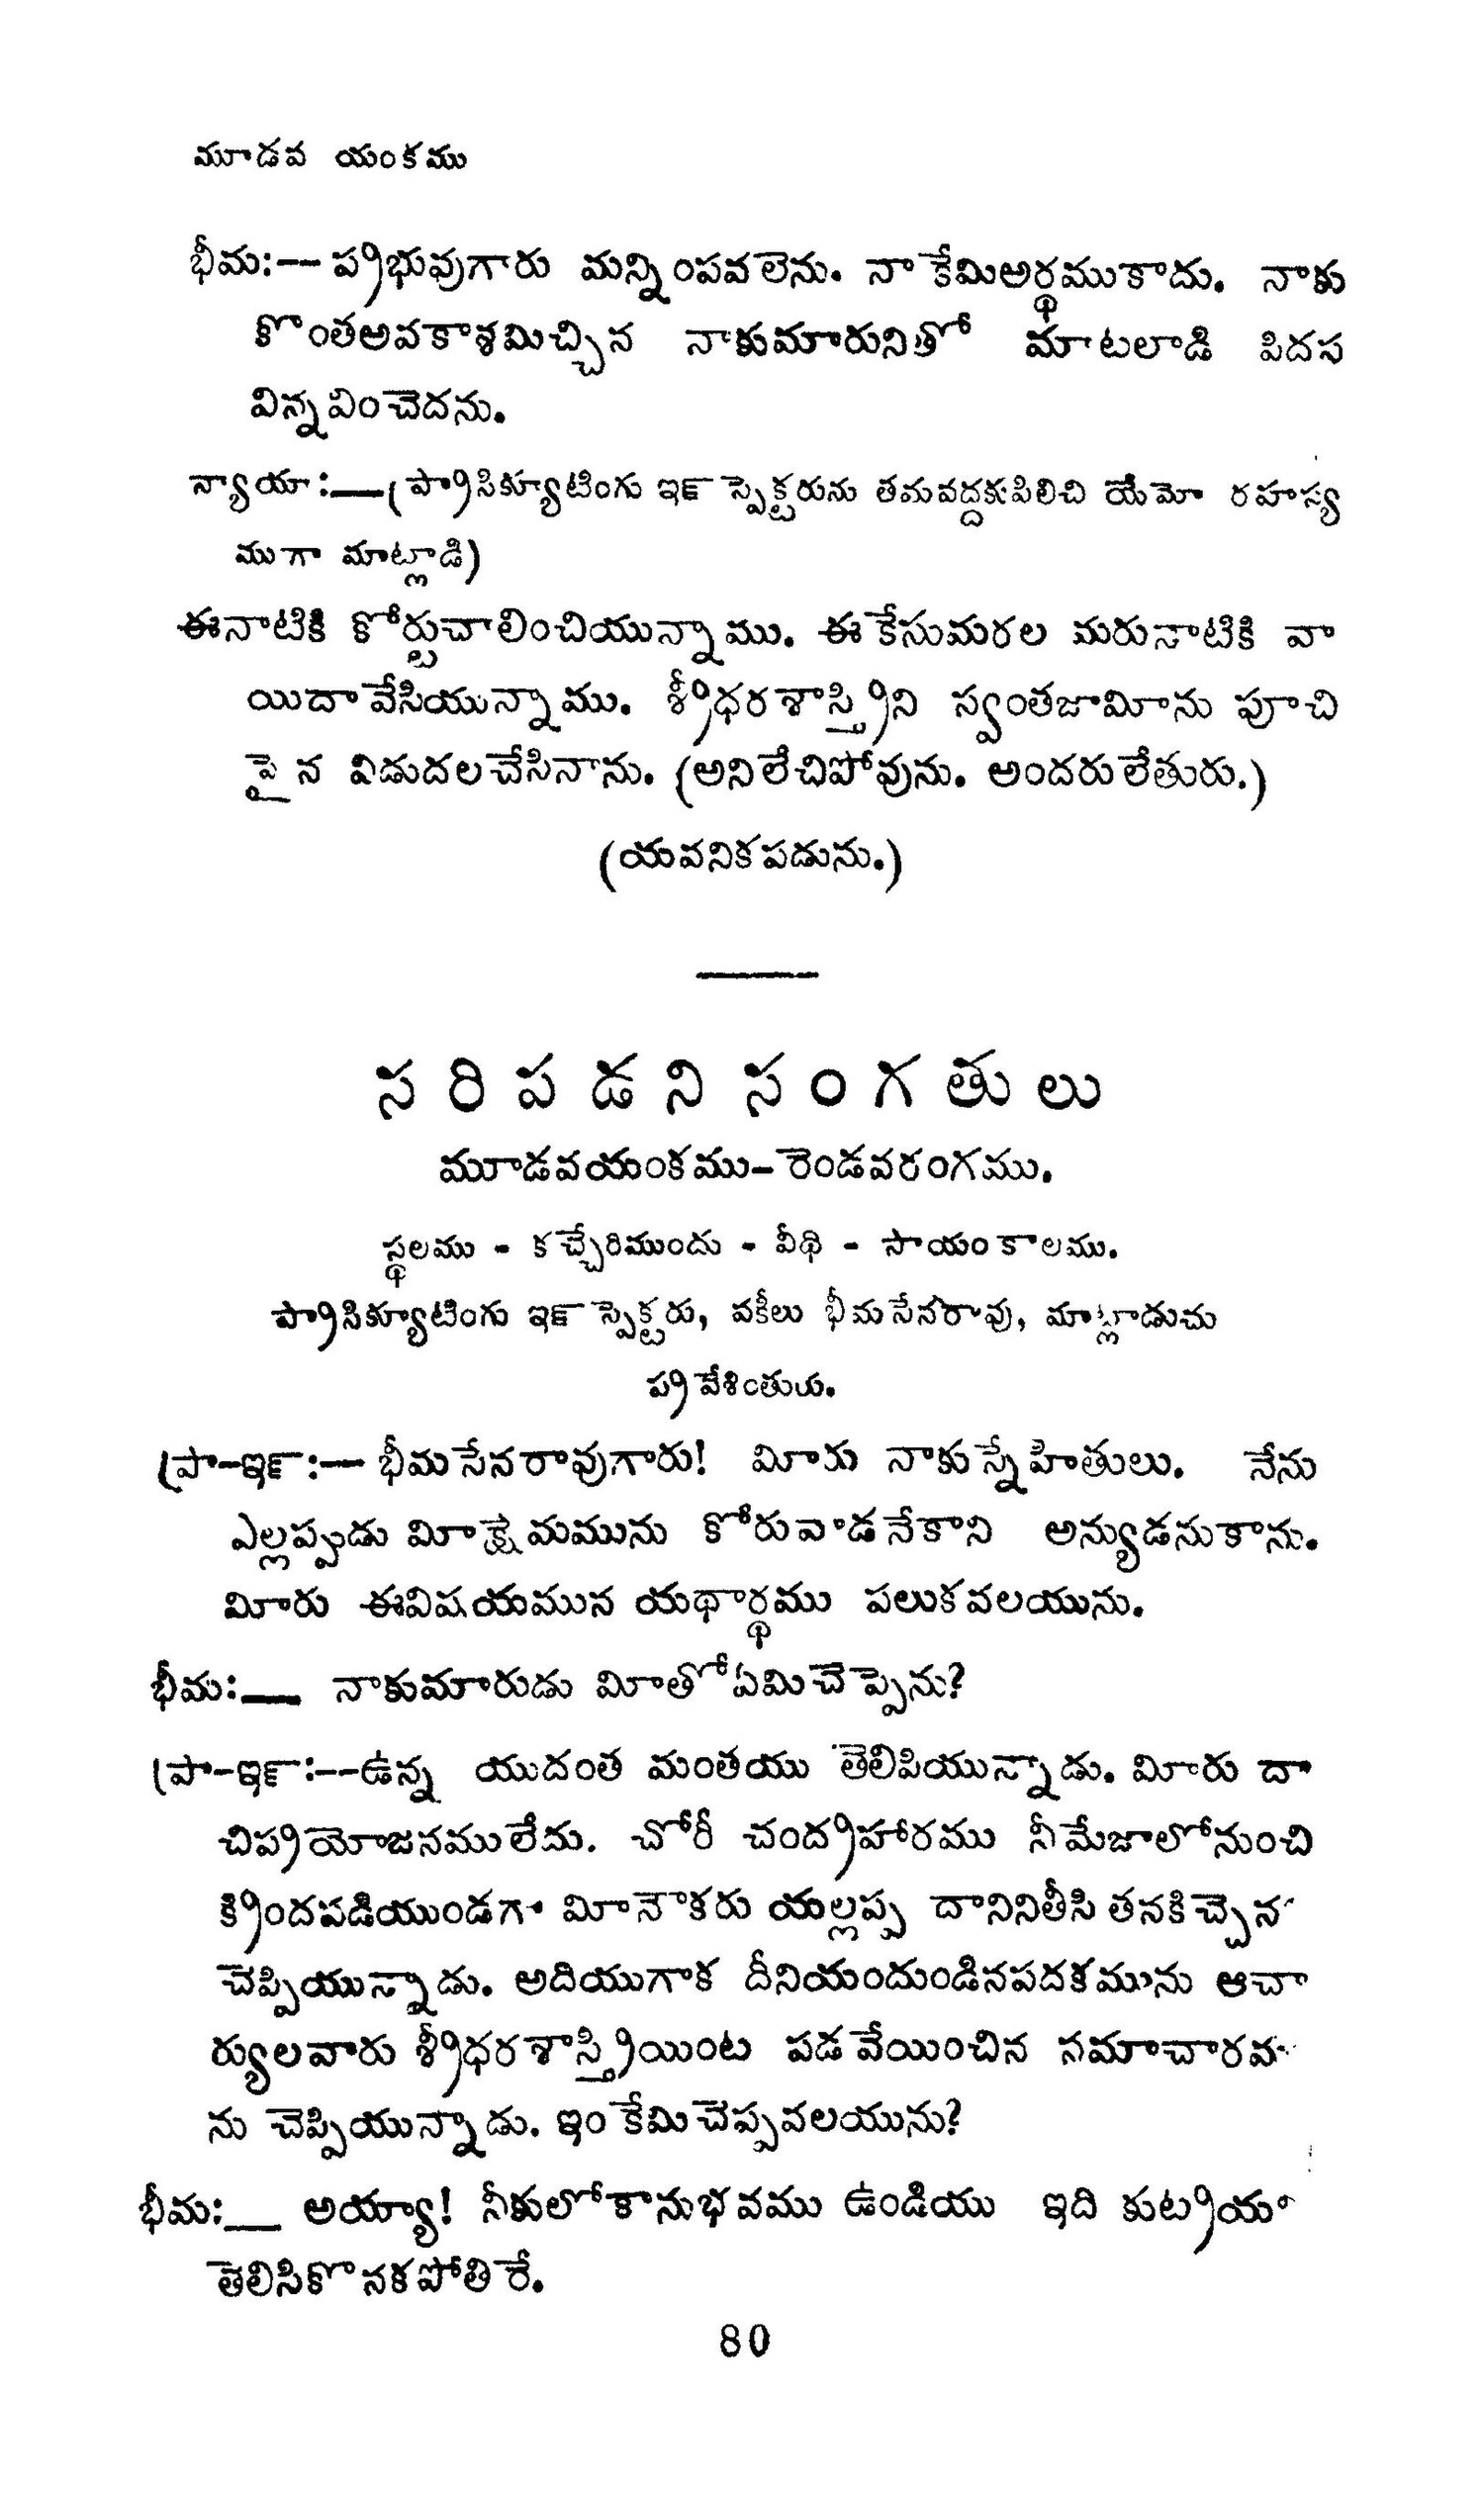భీమ:- ప్రభువుగారు మన్నింపవలెను. నాకేమిఅర్ధముకాదు. నాకుకొంత అవకాశమిచ్చిన నాకుమారునితో మాటలాడి పిదప విన్నవించెదను.

న్యాయా:-( ప్రాసిక్యూటింగు ఇంస్పెక్టరును తమవద్దకుపిలిచి యేమో రహస్యముగామాట్లాడి)
ఈనాటి కోర్టుచాలించియున్నాము. ఈకేసుమరల మరునాటికి వాయిదావేసి యున్నాము. శ్రీధరశాస్త్రిని స్వంతజామీను పూచీపైన విడుదలచేసినాను. (అనిలేచిపోవును, అందరూలేతురు.)

స్థలము-కచ్చేరిముందు—వీధి - సాయంకాలము.

ప్రాసిక్యూటింగు ఇంస్పెక్టరు, వకీలు భీమసేనరావు, మాట్లాడుచు ప్రవేశింతురు.

ప్రా-ఇన్:- భీమసేనరావుగారు! మీరునాకుస్నేహితులు. నేనుఎల్లప్పుడు మీక్షేమమును కోరువాడనేకాని అన్యుడనుకాను. మీరు ఈవిషయమున యదార్ధము పలుకవలయును.

భీమ:- నాకుమారుడు మీతో ఏమిచెప్పెను?

ప్రా-ఇన్;- ఉన్నయుదంత మంతయు తెలిపియున్నాడు. మీరు దాచి ప్రయోజనములేదు. చోరీ చంద్రహారము నీమేజాలోనుంచి క్రిందపడియుండగా
మీనౌకరు యల్లప్ప దానిని తీసి తనకిచ్చెనని చెప్పియున్నాడు. అదియుగాక దీనియందుండిన దసపదకమునూఆచార్యులవారు శ్రీధరశాస్త్రియింట పడవేయించిన సమాచారమును చెప్పియున్నాను. ఇంకేమిచెప్పవలయును.?

భీమ:- అయ్యా! నీకులోకానుభవము ఉండియు ఇది కుట్రయని తెలుసుకొన పోతిరే.